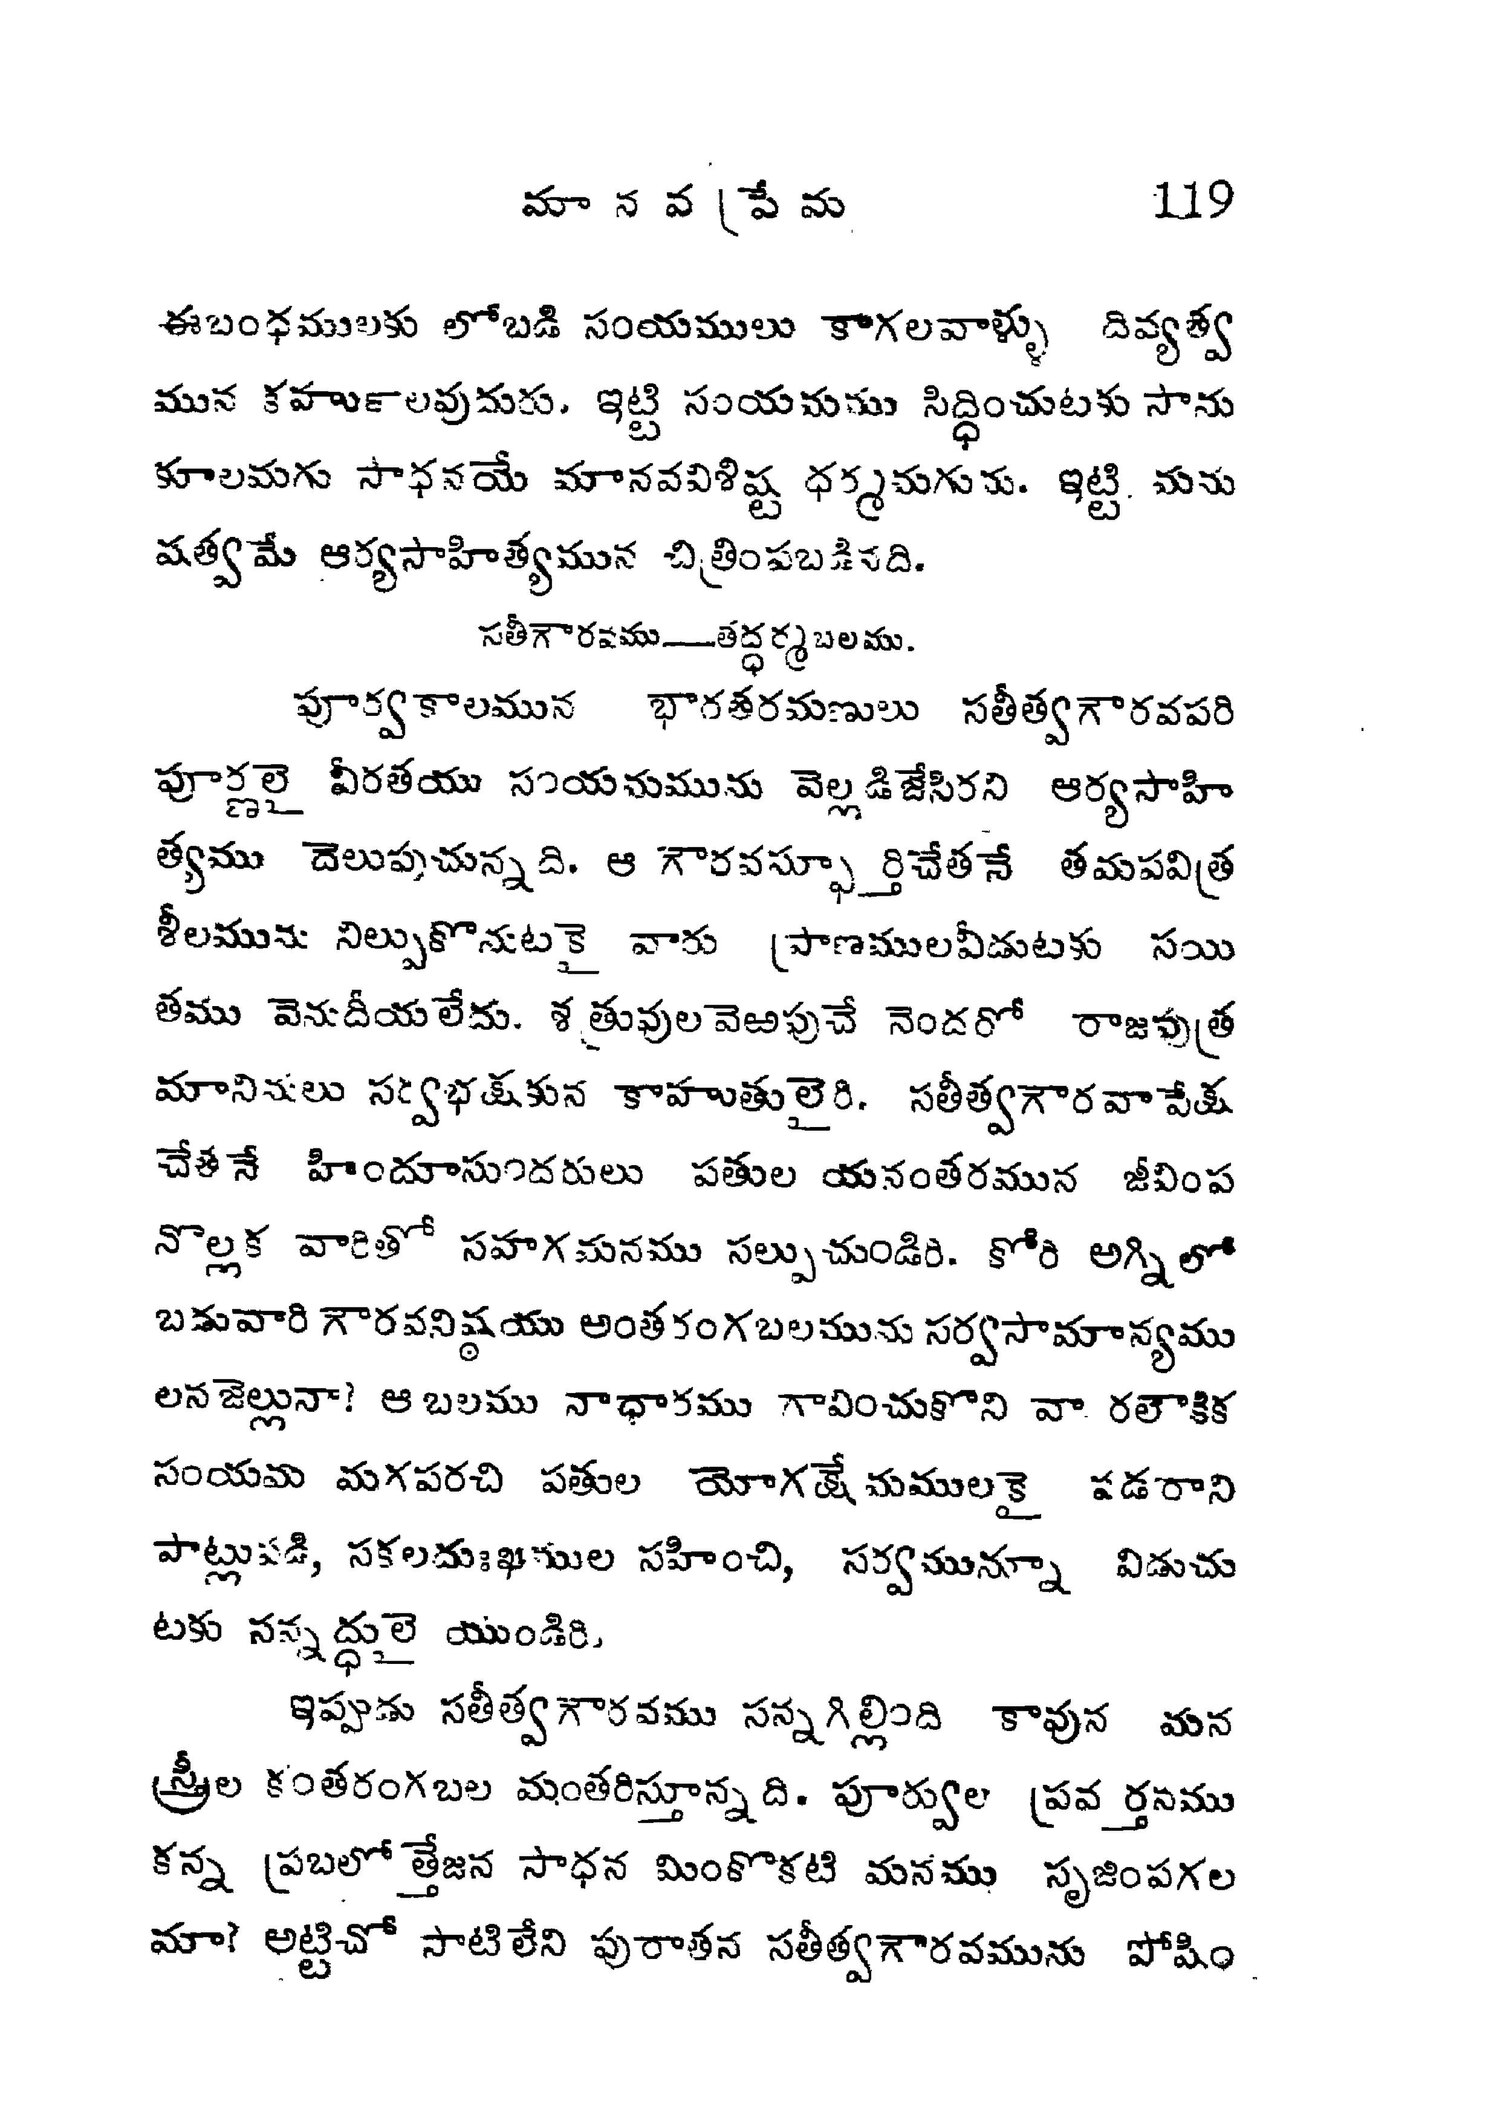ఈబంధములకు లోబడి సంయములు కాగలవాళ్ళు దివ్యత్వమున కహున్‌లవుదురు. ఇట్టి సంయమము సిద్ధించుటకు సానుకూలమగు సాధనయే మానవవిశిష్ట ధర్మమగును. ఇట్టి మనుషత్వమే ఆర్యసాహిత్యమున చిత్రింపబడినది.

పూర్వకాలమున భారతరమణులు సతీత్వగౌరవపరిపూర్ణలై వీరతయు సంయమమును వెల్లడిజేసిరని ఆర్యసాహిత్యము దెలుపుచున్నది. ఆ గౌరవస్ఫూర్తిచేతనే తమపవిత్ర శీలమును నిల్పుకొనుటకై వారు ప్రాణములవీడుటకు సయితము వెనుదీయలేదు. శత్రువుల వెఱపుచే నెందరో రాజపుత్ర మానినులు సర్వభక్షకున కాహుతులైరి. సతీత్వగౌరవాపేక్ష చేతనే హిందూసుందరులు పతుల యనంతరమున జీవింప నొల్లక వారితో సహగమనము సల్పుచుండిరి. కోరి అగ్నిలో బడువారి గౌరవనిష్ఠయు అంతరంగబలమును సర్వసామాన్యము లనజెల్లునా? ఆ బలము నాధారము గావించుకొని వా రలౌకిక సంయమ మగపరచి పతుల యోగక్షేమములకై పడరాని పాట్లుపడి, సకలదు:ఖముల సహించి, సర్వమున్నూ విడుచుటకు సన్నద్ధులై యుండిరి.

ఇప్పుడు సతీత్వగౌరవము సన్నగిల్లింది కావున మన స్త్రీల కంతరంగబల మంతరిస్తూన్నది. పూర్వుల ప్రవర్తనము కన్న ప్రబలోత్తేజన సాధన మింకొకటి మనము సృజింపగలమా? అట్టిచో సాటిలేని పురాతన సతీత్వగౌరవమును పోషిం